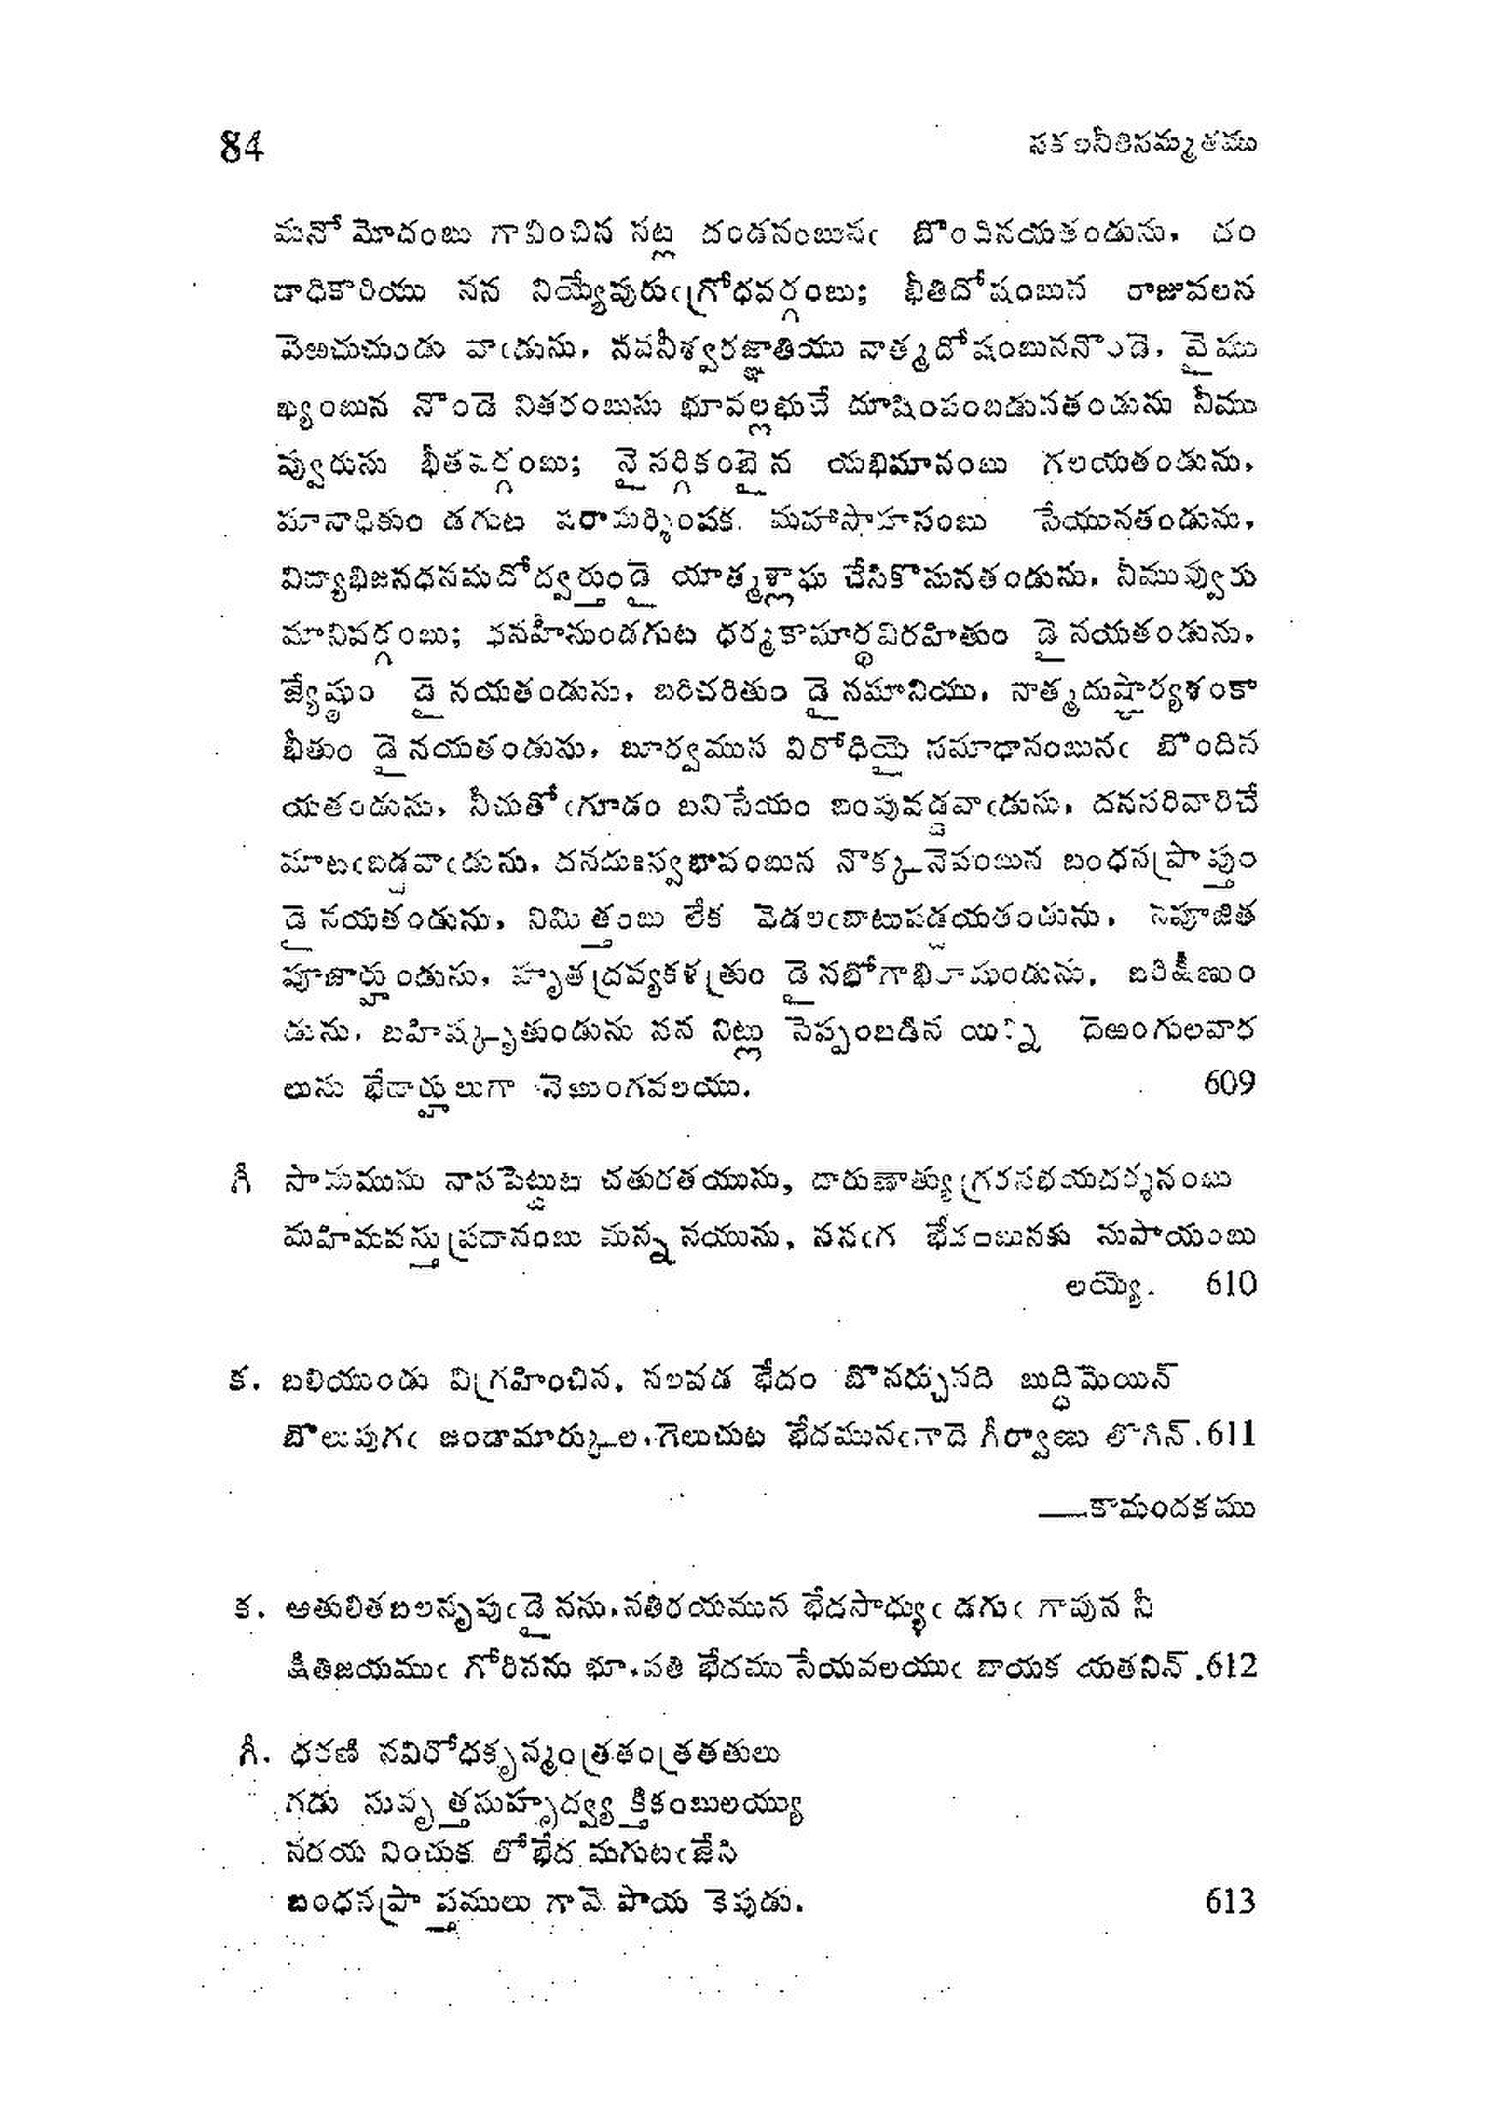మనోమోదంబు గావించి నట్ల దండనంబునఁ బొందినయతండును, దండాధికారియు నన నియ్యేవురుఁ గ్రోధవర్గంబు; భీతిదోషంబున రాజువలన వెఱచుచుండు వాఁడును, నవనీశ్వరజ్ఞాతియు నాత్మదోషంబుననొండె, వైముఖ్యంబున నొండె నితరంబును భూవల్లభుచే దూషింపబడునతండును నీ మువ్వురును భీతవర్గంబు; నైసర్గికంబైన యభిమానంబు గలయతండును, మానాధికుం డగుట పరామర్శింపక మహాసాహసంబు సేయునతండును, విద్యాభిజనధనమదోద్వర్తుండై యాత్మశ్లాఘ చేసికొనునతండును, నీ మువ్వురు మానివర్గంబు; ధనహీనుం డగుట ధర్మకామార్థవిరహితుం డైనయతండును, జ్యేష్ఠుం డైనయతండును, బరిచరితుం డైనమానియు, నాత్మదుష్కార్యశంగాభీతుం డైనయతండును, బూర్వమున విరోధియై సమాధానంబునఁ బొందిన యతండును, నీచుతోఁగూడం బనిసేయం బంపువడ్డవాఁడును, దనసరివారిచే మాటఁబడ్డవాఁడును, దనదుఃస్వభావంబున నొక్కనెపంబున బంధనప్రాప్తుం డైనయతండును, నిమిత్తంబు లేక వెడలఁబాటుపడ్డయతండును, నపూజితపూజార్హుండును, హృతద్రవ్యకళత్రుం డైన భోగాభిలాషుండును, బరీక్షీణుండును, బహిష్కృతుండును నన నిట్లు సెప్పంబడిన యిన్ని దెఱంగులవారలును భేదార్హులుగా నెఱుంగవలయు. 609

గీ. సామమును నాసపెట్టుట చతురతయును
దారుణాత్యుగ్రరసభయదర్శనంబు
మహిమవస్తుప్రదానంబు మన్ననయును
ననఁగ భేదంబునకు నుపాయంబు లయ్యె. 610

క. బలియుండు నిగ్రహించిన
నలవడ భేదం బొనర్చునది బుద్ధిమెయిన్
బొలుపుగఁ జండామార్కుల
గెలుచుట భేదమునఁ గాదె గీర్వాణు లొగిన్. 611

క. అతులితబలనృపుఁ డైనను
నతిరయమున భేదసాధ్యుఁ డగుఁ గావున నీ
క్షితిజయముఁ గోరినను భూ
పతి భేదము సేయవలయుఁ బాయక యతనిన్. 612

గీ. ధరణి నవిరోధకృన్మంత్పతంత్రతతులు
గడు సువృత్తసుహృద్వ్యక్తికంబు లయ్యు
సరయ నించుక లోభేద మగుటఁ జేసి
బంధనప్రాప్తములు గావె పాయ కెపుడు. 613